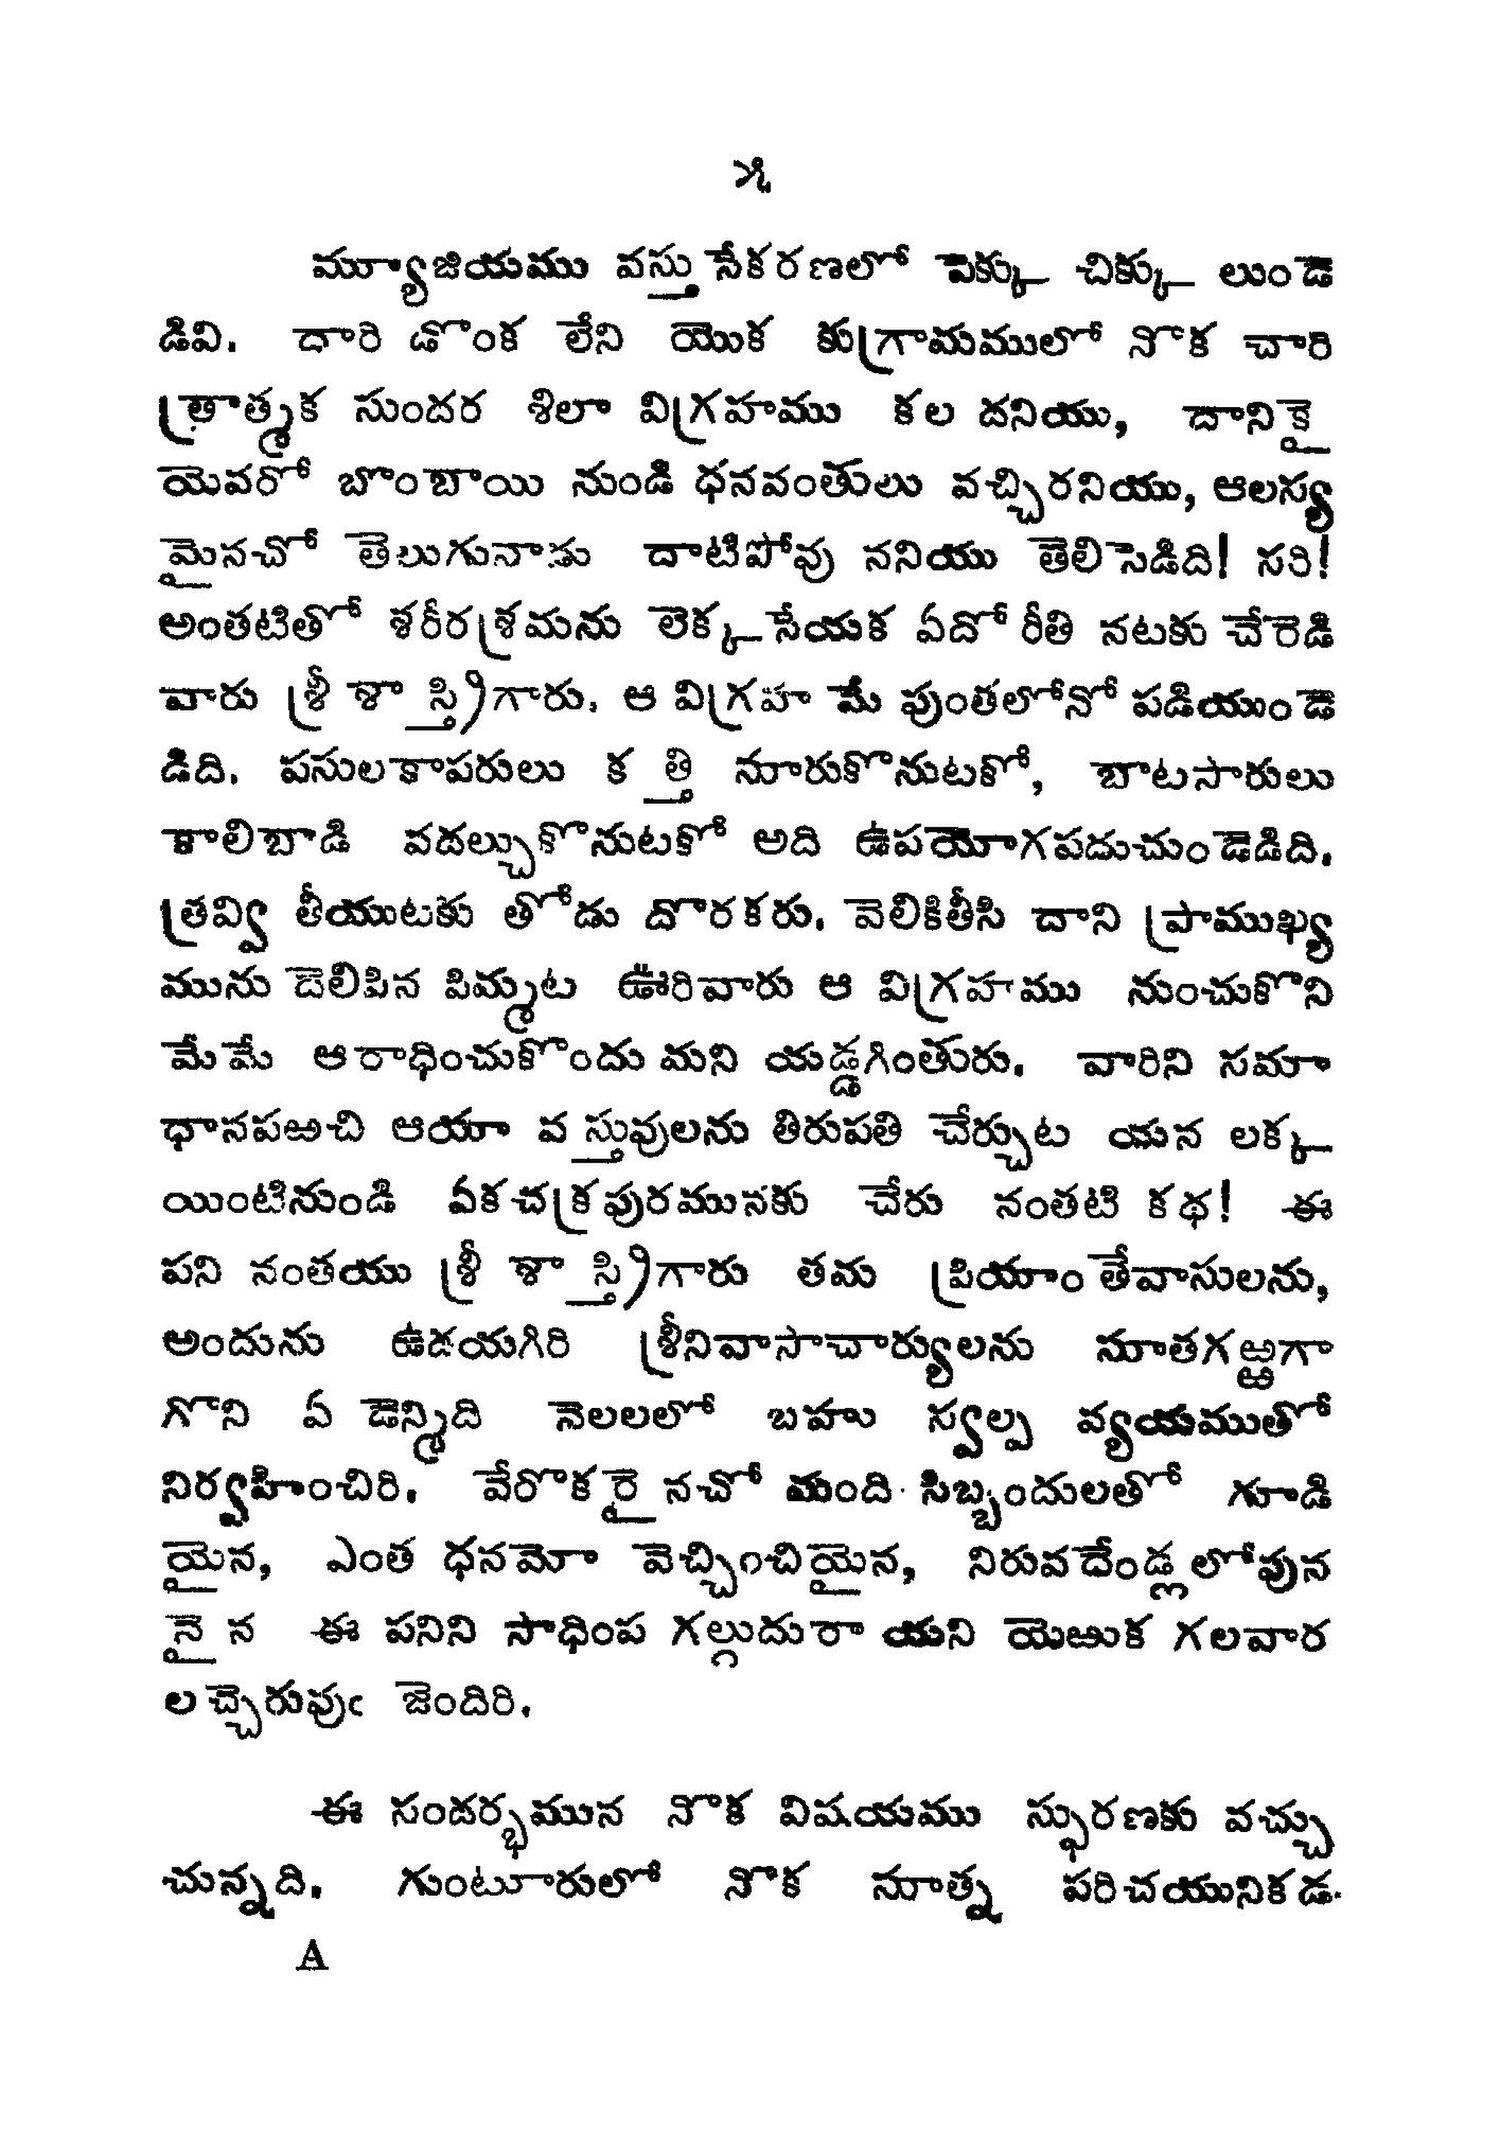మ్యూజియము వస్తుసేకరణలో పెక్కు చిక్కు లుండెడివి. దారి డొంక లేని యొక కుగ్రామములో నొక చారిత్రాత్మక సుందర శిలా విగ్రహము కల దనియు, దానికై యెవరో బొంబాయి నుండి ధనవంతులు వచ్చిరనియు, ఆలస్యమైనచో తెలుగునాడు దాటిపోవుననియు తెలిసెడిది! సరి! అంతటితో శరీర శ్రమను లెక్కసేయక ఏదో రీతి నటకు చేరెడి వారు శ్రీ శాస్త్రి గారు. ఆ విగ్రహమే పుంత లోనో పడియుండెడిది. పసులకాపరులు కత్తి నూరుకొనుటకో, బాటసారులు కాలిబాడి వదల్చు కొనుటలో అది ఉపయోగపడుచుండెడిది. త్రవ్వి తీయుటకు తోడు దొరకరు. వెలికి తీసి దాని ప్రాముఖ్యమును దెలిపిన పిమ్మట ఊరివారు ఆ విగ్రహము నంచుకొని మేమే ఆరాదించుకొందుమని యడ్డగింతురు. వారిని సమాధానపఱచి ఆయా వస్తువులను తిరుపతి చేర్చుట యన లక్కయింటి నుండి ఏక చక్రపురమునకు చేరు నంతటి కధ! ఈ పని నంతయు శ్రీ శాస్త్రిగారు తమ ప్రియాంతే వాసులను, అందును ఉదయగిరి శ్రీనివాసాచార్యులను నూతగఱ్ఱగా గొని ఏ డెన్మిది నెలలలో బహు స్వల్ప వ్యయముతో నిర్వహించిరి. వేరొకరైనచో మంది సిబ్బందులతో గూడియైన, ఎంత ధనమో వెచ్చించియైన, నిరువ దేండ్లలోపున నైన ఈ పనిని సాధింప గల్గుదురా యని యెఱుక గలవారల చ్చెరువుఁజెందిరి.

 ఈ సందర్భమున నొక విషయము స్ఫురణకు వచ్చుచున్నది. గుంటూరులో నొక నూత్న పరిచయునికడ